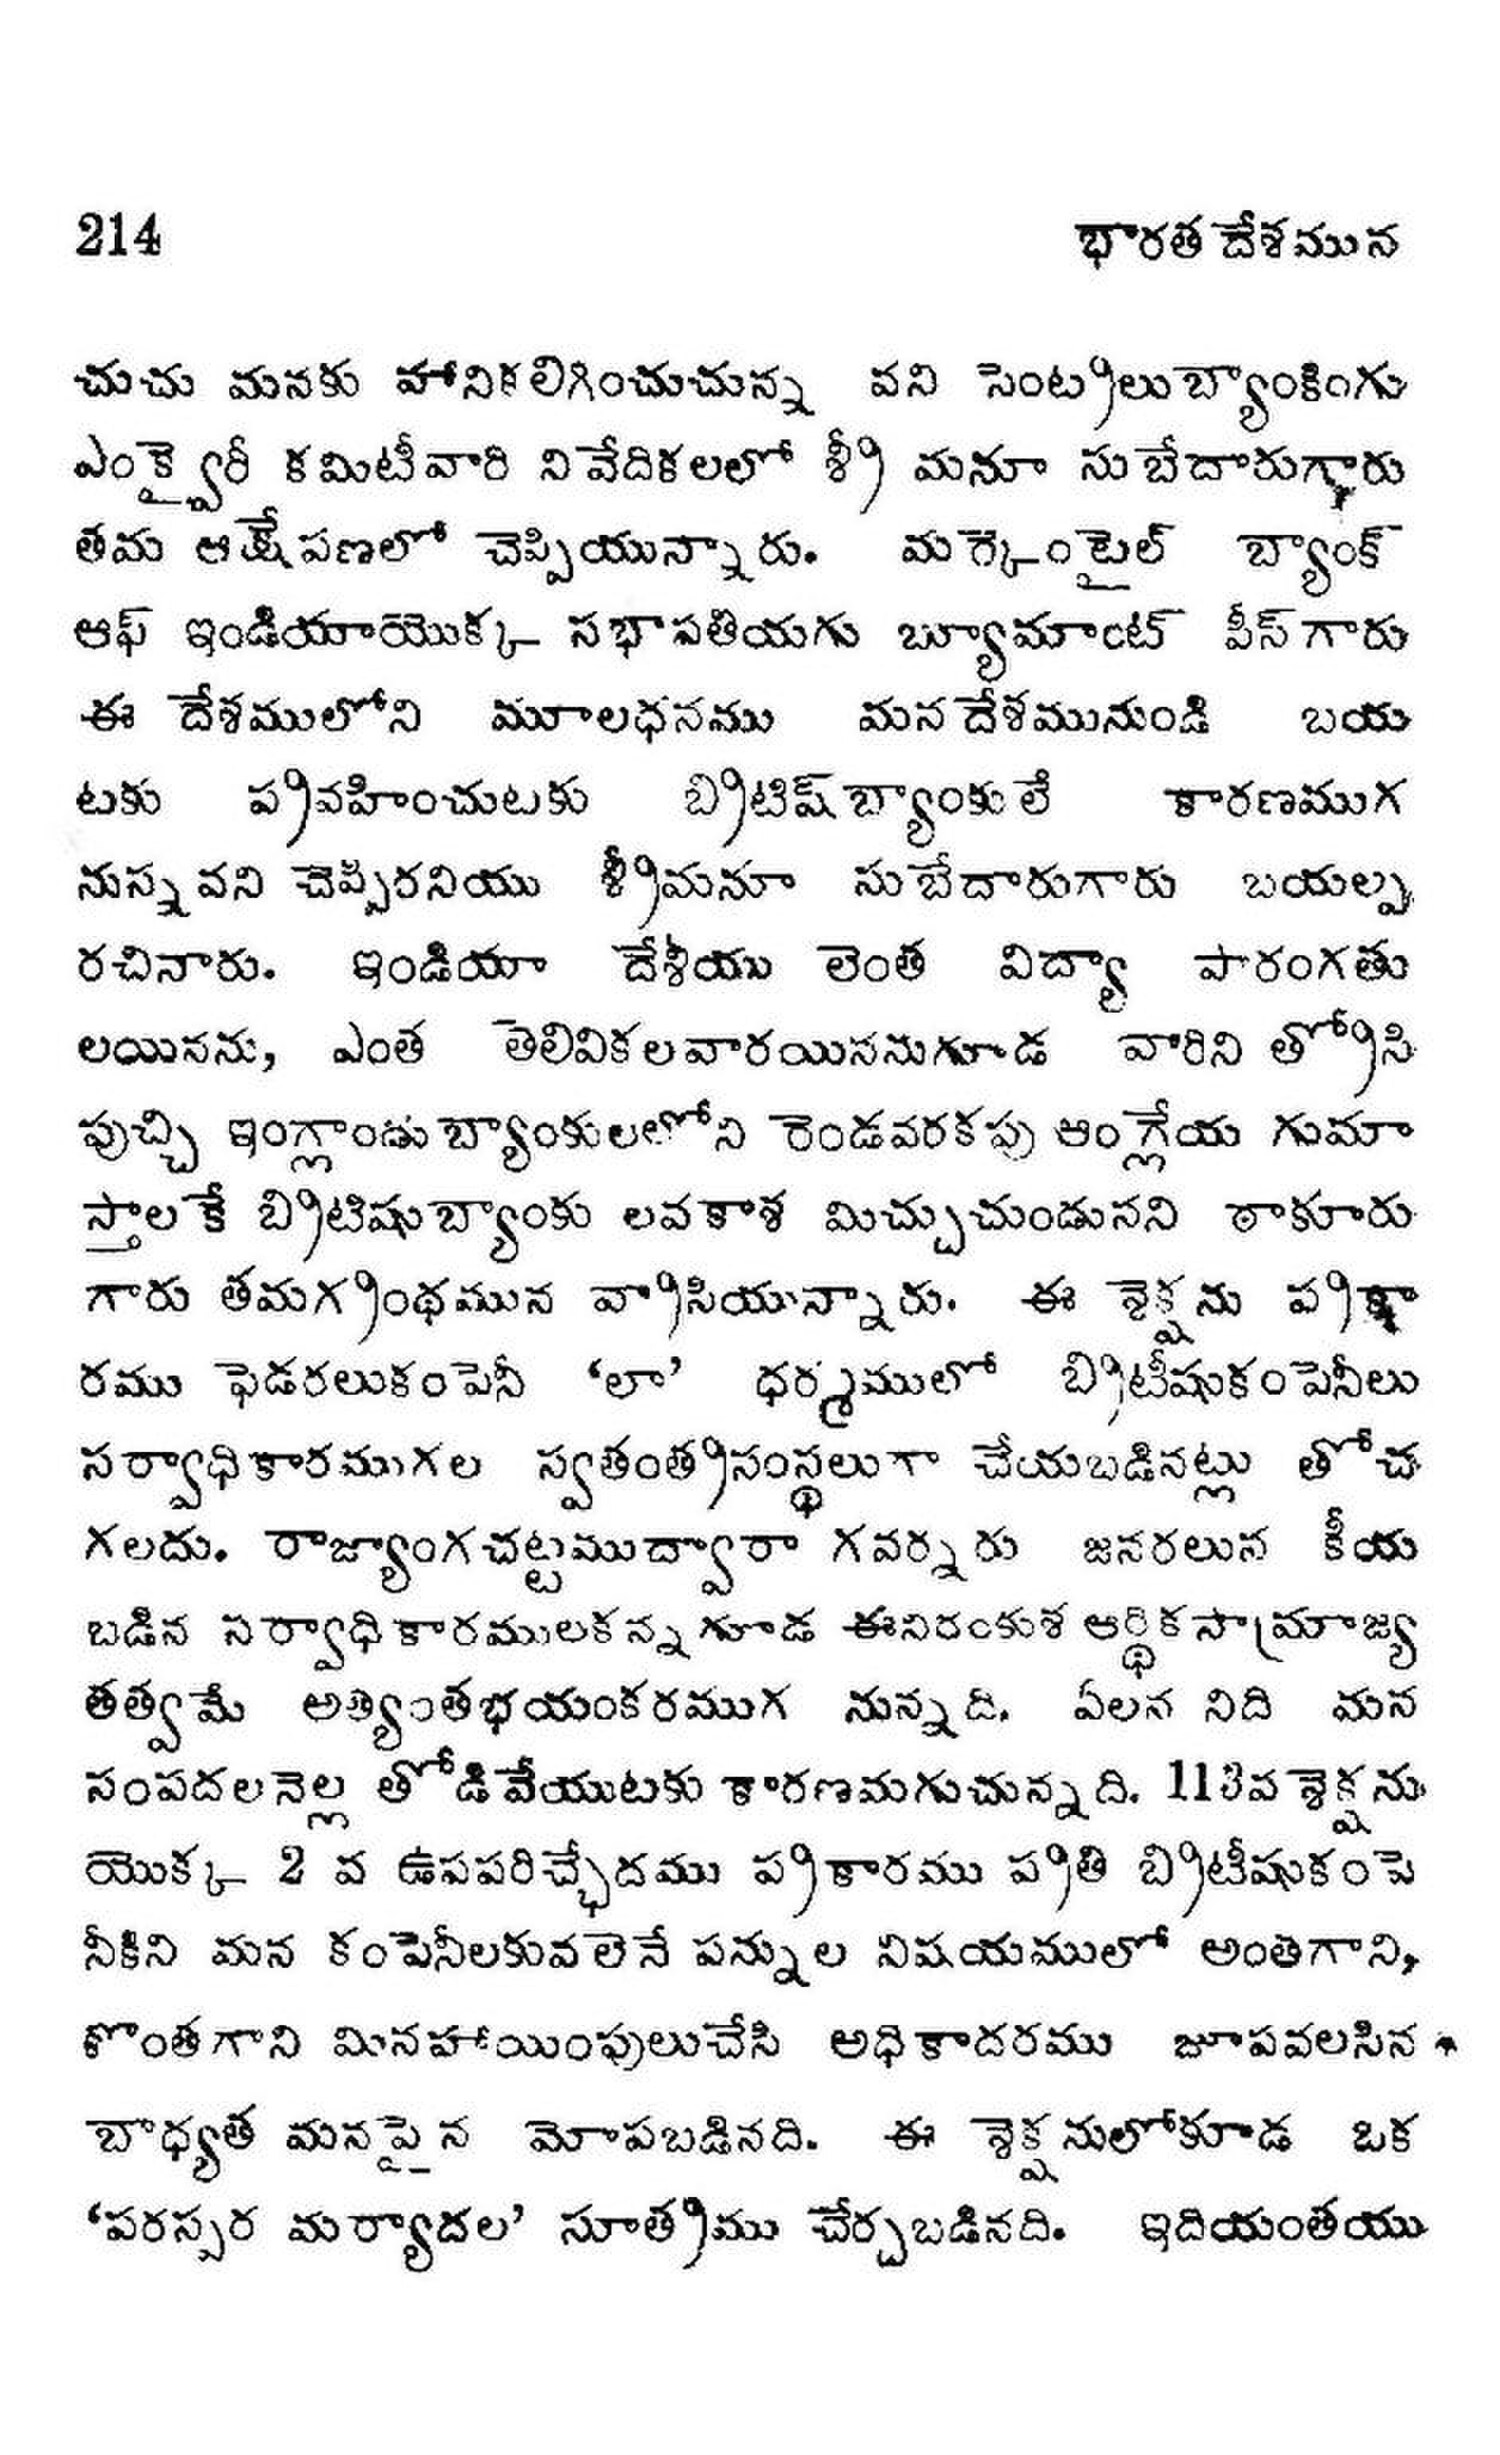చుచు మనకు హానికలిగించుచున్న వని సెంట్రలుబ్యాంకింగు ఎంక్వైరీ కమిటీవారి నివేదికలలో శ్రీ మనూ సుబేదారుగారు తమ ఆక్షేపణలో చెప్పియున్నారు. మర్కెంటైల్ బ్యాంక్ ఆఫ్ ఇండియాయొక్క సభాపతియగు బ్యూమాంట్ పీస్ గారు ఈ దేశములోని మూలధనము మనదేశమునుండి బయటకు ప్రవహించుటకు బ్రిటిష్ బ్యాంకులే కారణముగ నున్నవని చెప్పిరనియు శ్రీమనూ సుబేదారుగారు బయల్పరచినారు. ఇండియా దేశీయు లెంత విద్యా పారంగతులయినను, ఎంత తెలివికలవారయిననుగూడ వారిని త్రోసిపుచ్చి ఇంగ్లాండుబ్యాంకులలోని రెండవరకపు ఆంగ్లేయ గుమాస్తాలకే బ్రిటిషుబ్యాంకు లవకాశ మిచ్చుచుండునని ఠాకూరు గారు తమగ్రంథమున వ్రాసియున్నారు. ఈ శెక్షను ప్రకారము ఫెడరలుకంపెనీ 'లా' ధర్మములో బ్రిటీషుకంపెనీలు సర్వాధికారముగల స్వతంత్రసంస్థలుగా చేయబడినట్లు తోచగలదు. రాజ్యాంగచట్టముద్వారా గవర్నరు జనరలున కీయబడిన సర్వాధికారములకన్నగూడ ఈనిరంకుశ ఆర్థికసామ్రాజ్యతత్వమే అత్యంతభయంకరముగ నున్నది. ఏలన నిది మన సంపదలనెల్ల తోడివేయుటకు కారణమగుచున్నది. 113వ శెక్షను యొక్క 2 వ ఉపపరిచ్చేదము ప్రకారము ప్రతి బ్రిటీషుకంపెనీకిని మన కంపెనీలకువలెనే పన్నుల విషయములో అంతగాని, కొంతగాని మినహాయింపులు చేసి అధికాదరము జూపవలసిన బాధ్యత మనపైన మోపబడినది. ఈ శెక్షనులోకూడ ఒక “పరస్పర మర్యాదల' సూత్రము చేర్చబడినది. ఇదియంతయు